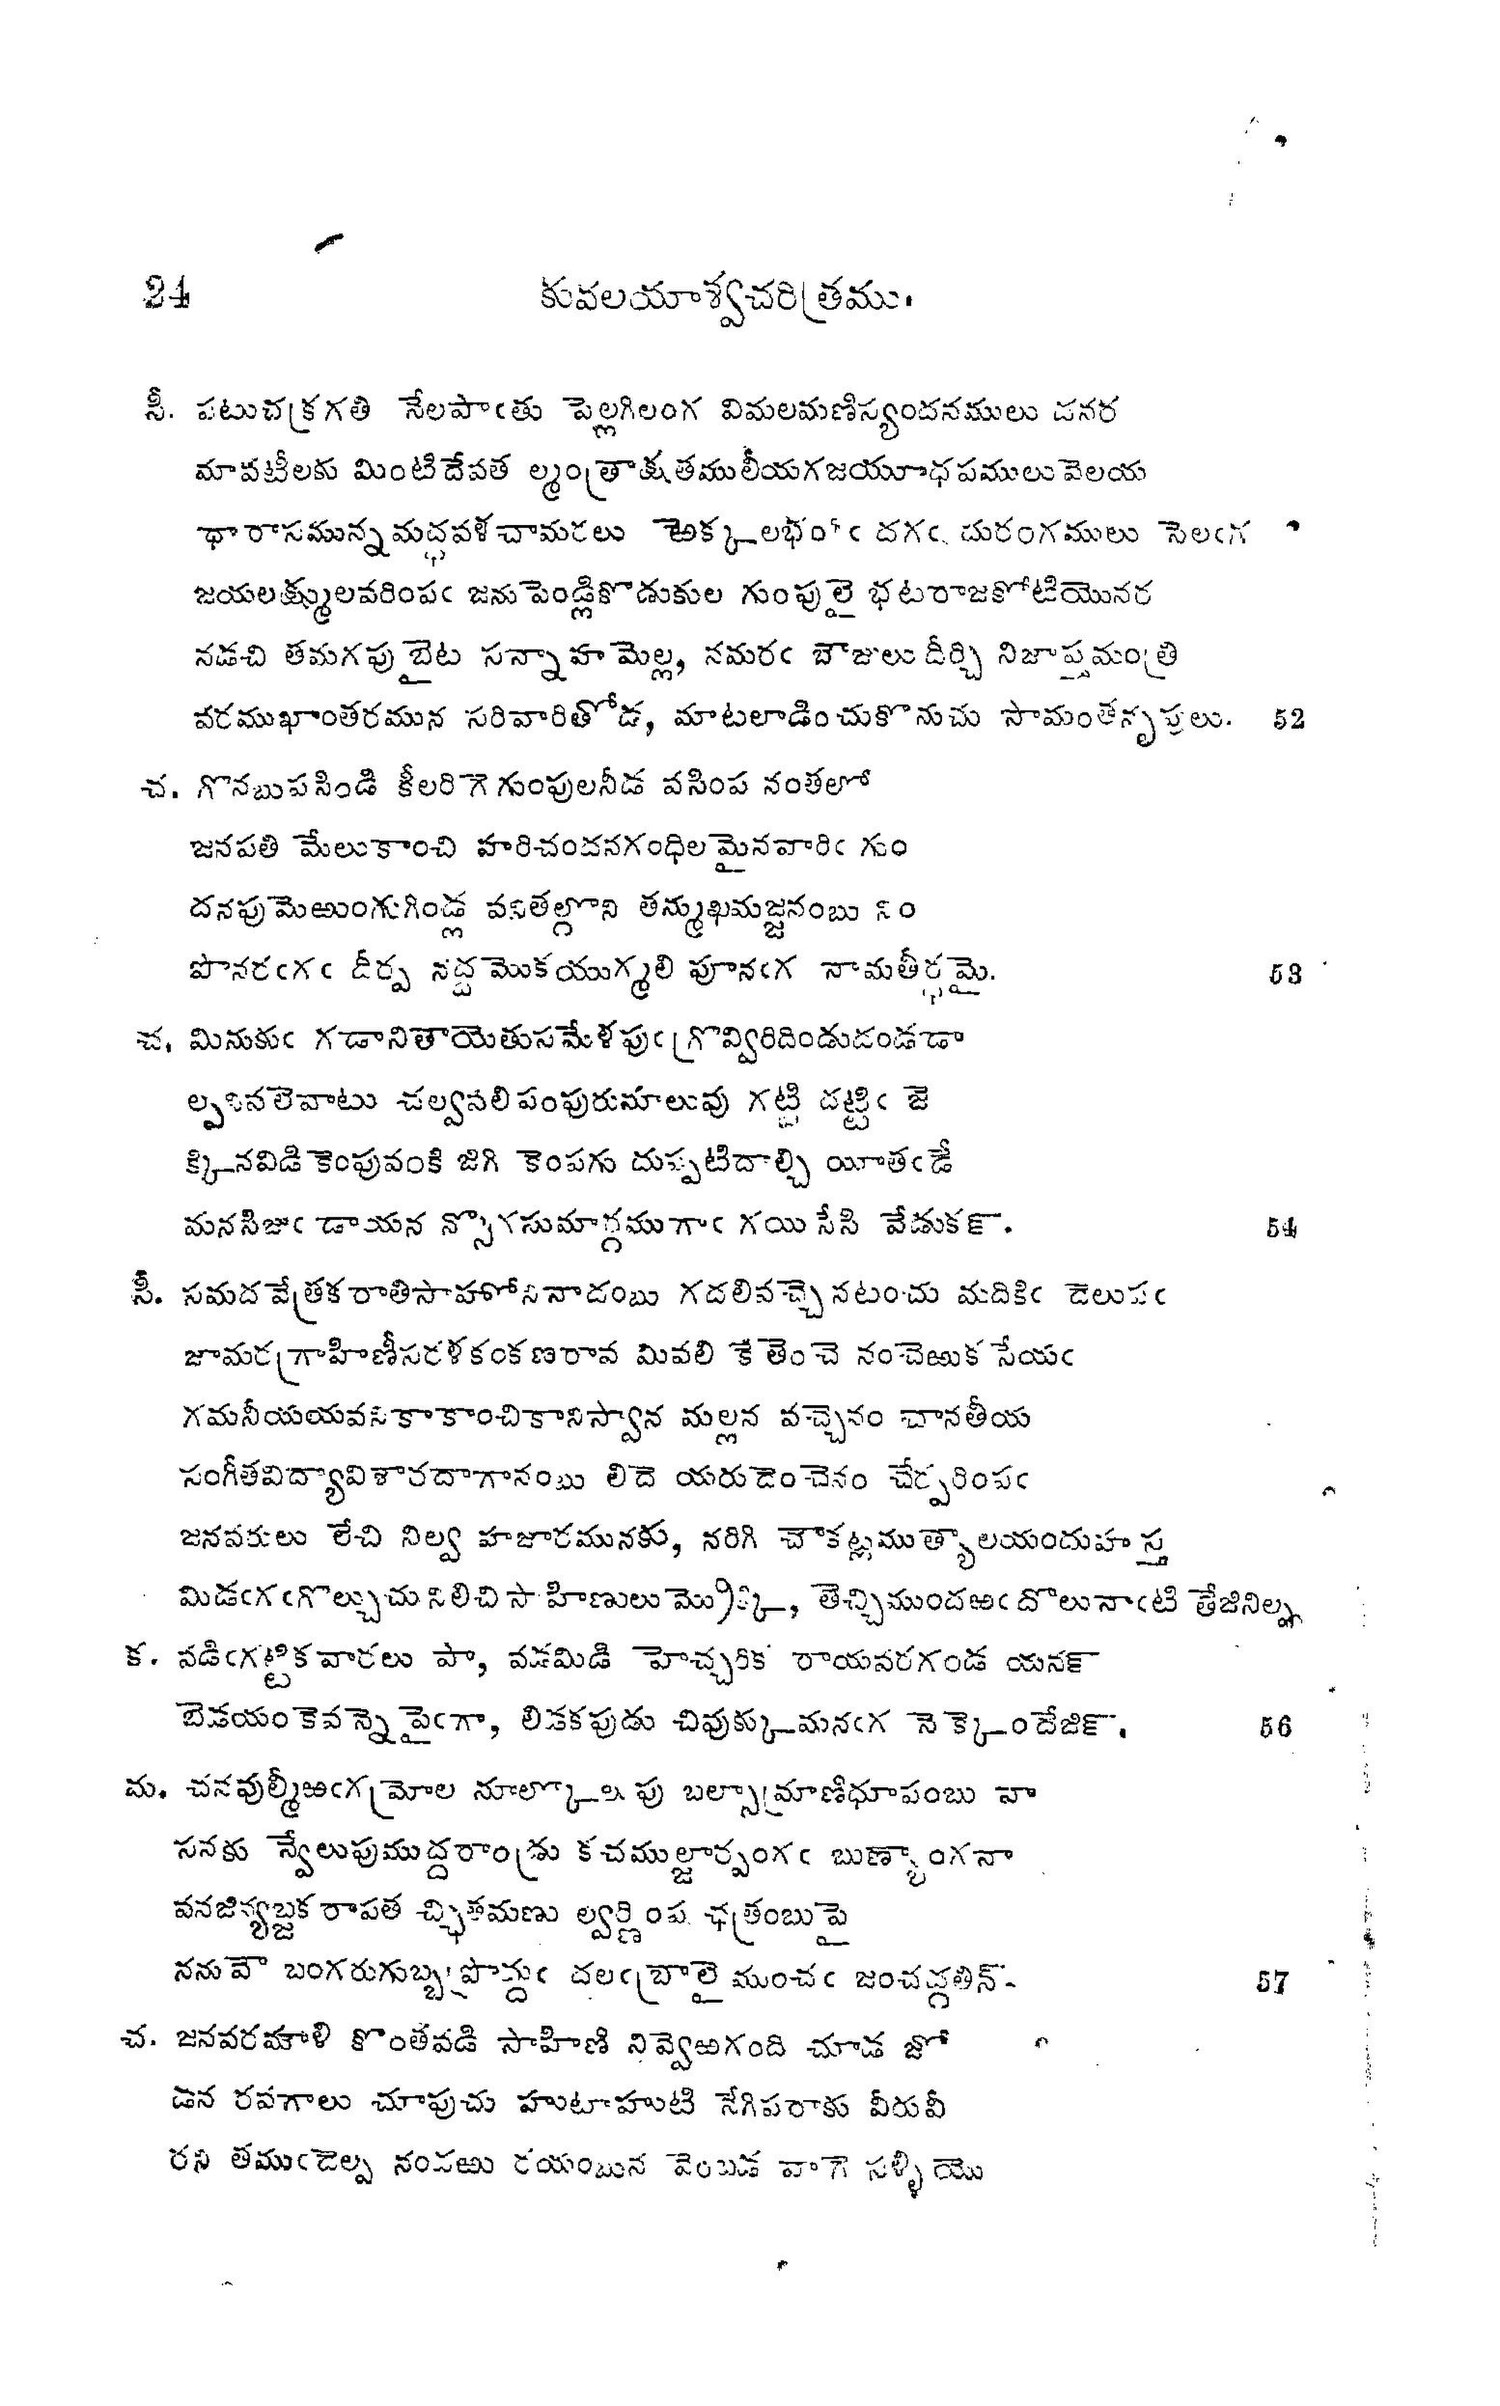సీ. పటుచక్రగతి నేలపాఁతు పెల్లగిలంగ విమలమణిస్యందనములు దనర
మావటీలకు మింటిదేవత ల్మంత్రాక్షతము లీయగ జయూధపములు వెలయ
ధారాసమున్నమద్ధవళ చామరలు ఱెక్కలభంగిఁ దగఁ దురంగములు సెలఁగ
జయలక్ష్ముల వరింపఁ జను పెండ్లికొడుకుల గుంపులై భటరాజకోటి యొనర
నడచి తమగపుబైట సన్నాహమెల్ల, నమరఁ బౌజులు దీర్చి నిజాప్తమంత్రి
వరముఖాంతరమున సరివారితోడ, మాటలాడించుకొనుచు సామంతనృపులు.52
చ. గొనబుపసిండికీ లరిగెగుంపులనీడ వసింప నంతలో
జనపతి మేలుకాంచి హరిచందనగంధిలమైనవారిఁ గుం
దనపుమెఱుంగుగిండ్ల వనిత ల్గొని తన్ముఖమజ్జనంబు నిం
పొనరఁగఁ దీర్ప నద్ద మొకయుగ్మలి పూనఁగ నామతీర్థమై.
చ. మినుకుఁ గడానితాయెతు సమేళపుఁగ్రోవ్విరిదిండుదండ డా
ల్పనివలెవాటు చల్వనలిపంపురుమాలువు గట్టి దట్టిఁ జె
క్కినవిడి కెంపువంకి జిగి కెంపగు దుప్పటి దాల్చి యీతఁడే
మనసిజుఁ డాయన న్సొగసుమార్గముగాఁ గయిసేసి వేడుకన్.
సీ. సమదవేత్రకరాతిసాహోనినాదంబు గదలివచ్చెనటంచు మదికిఁ దెలుపఁ
జామరగ్రాహిణీసరళకంకణరాన మివలి కేతెంచె నంచెఱుక సేయఁ
గమనీయయవనికాకాంచికానిస్వాన మల్లన వచ్చెనం చానతీయ
సంగీతవిద్యావిశారదాగానంబు లిదె యరుదెంచెనం చేర్పరింపఁ
జనవరులు లేచి నిల్వ హజారమునకు, నరిగి చౌకట్లముత్యాలయందుహస్త
మిడఁగఁ గొల్చుచు నిలిచి సాహిణులు మ్రొక్కి, తెచ్చి ముందఱఁ దొలునాఁటితేజి నిల్ప.
క. వడిఁగట్టికవారలు పా, వడ మిడి హెచ్చరిక రాయవరగండ యనన్
బెడయంకెవన్నెపైఁ గా, లిడ కపుడు చివుక్కుమనఁగ నెక్కెం దేజిన్.
మ. చనవు ల్మీఱఁగ మ్రోల నూల్కొలుపు బల్సామ్రాణిధూపంబు వా
సనకు న్వేలుపుముద్దరాండ్రు కచము ల్జార్పంగఁ బుణ్యాంగనా
వనజిన్యబ్జకరాపతచ్ఛితమణు ల్వర్ణింప ఛత్రంబుపై
ననువౌ బంగరుగుబ్బప్రొద్దుఁ దలఁబ్రాలై ముంచఁ జంచద్గతిన్.
చ. జనవరమౌళి కొంతవడి సాహిణి నివ్వెఱగంది చూడ జో
డన రవగాలు చూపుచు హుటాహుటి నేగిపరాకు వీరువీ
రని తముఁ దెల్ప నందఱు రయంబున వెంబడ వాగె సళ్ళియొ